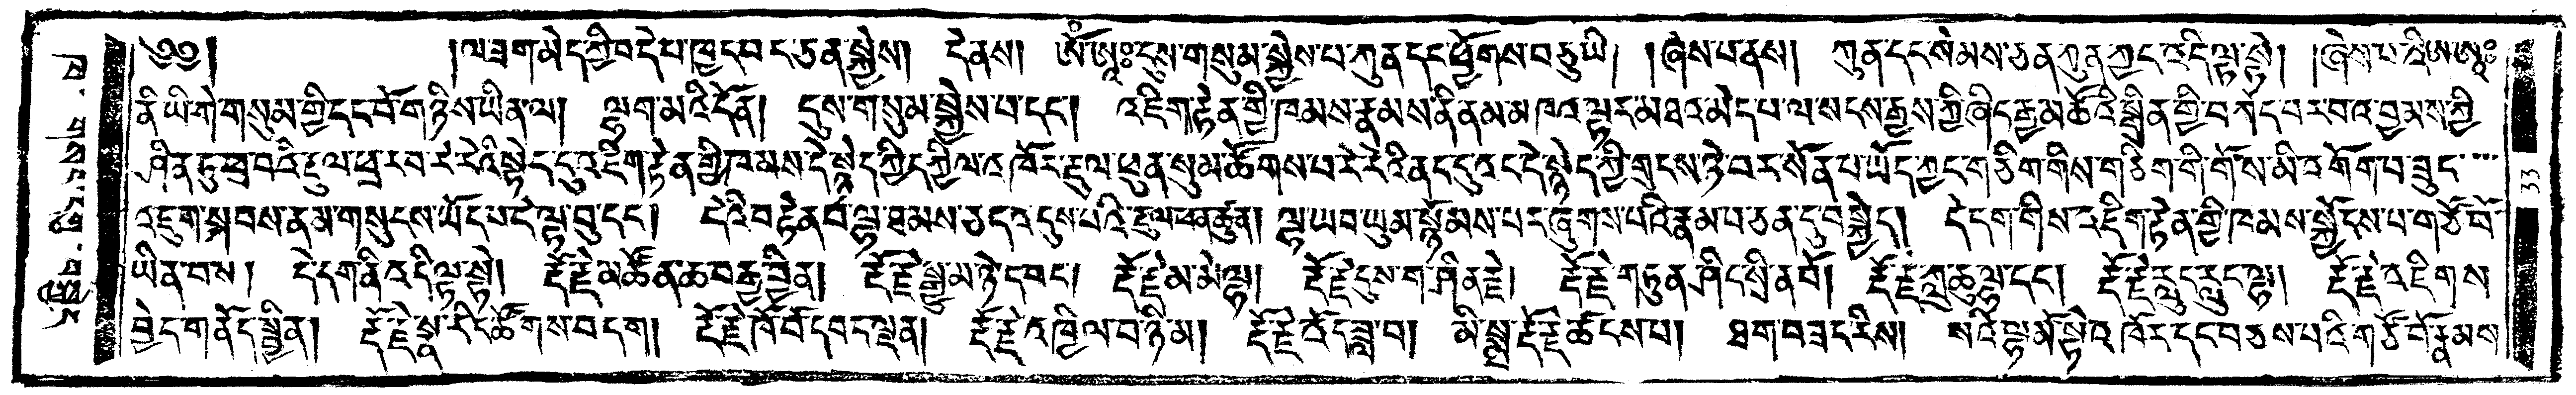༄༅། །ལ་ཟག་མེད་ཀྱི་བདེ་པ་ཁྱད་པར་ཅན་སྐྱེས། དེ་ནས། ཨོཾ་ཨཱཿ དུས་གསུམ་སྐྱེས་པ་ཀུན་དང་ཕྱོགས་བཅུ་ཡི། །ཞེས་པ་ནས། ཀུན་དང་སེམས་ཅན་ཀུན་ཀྱང་འདི་ལྟ་སྟེ། །ཞེས་པའི་ཨ་ཨཱཿ
ནི་ཡི་གེ་གསུམ་གྱི་དང་པོ་གཉིས་ཡིན་ལ། ལྷག་མའི་དོན། དུས་གསུམ་སྐྱེས་པ་དང་། འཇིག་རྟེན་གྱི་ཁམས་རྣམས་ནི་ནམ་མཁའ་ལྟར་མཐའ་མེད་པ་ལ་སངས་རྒྱས་ཀྱི་ཞིང་རྒྱ་མཚོའི་སྤྲིན་གྱི་བཀོད་བར་བའི་བྱམས་ཀྱི་
ཤིན་ཏུ་ཕྲ་བའི་རྡུལ་ཕྲ་རབ་རེ་རེའི་སྟེང་དུ་འཇིག་རྟེན་གྱི་ཁམས་དེ་སྙེད་ཀྱི་དཀྱིལ་འཁོར་རྡུལ་ཕུན་སུམ་ཚོགས་པ་རེ་རེའི་ནང་དུ་འང་དེ་སྙེད་ཀྱི་གྲངས་ཉེ་བར་སོན་པ་ཡོད་ཀྱང་གཅིག་གིས་གཅིག་གི་གོས་མི་བགོག་བཟུང་
འཇུག་སྐབས་ནམ་གསུངས་ཡོད་པ་དེ་ལྟ་བུ་དང་། དེའི་བརྟེན་བ་ལྷ་ཐམས་ཅད་འདུས་པའི་རྡུལ་ཕན་ཚུན། ལྷ་ཡབ་ཡུམ་སྙོམས་པར་ཞུགས་པའི་རྣམ་པ་ཅན་དུ་བསྐྱེད། དེ་དག་གིས་འཇིག་རྟེན་གྱི་ཁམས་སྐྱོངས་པ་གཙོ་བོ་
ཡིན་བས། དེ་དག་ནི་འདི་ལྟ་སྟེ། རྡོ་རྗེ་མཚོན་ཆ་བརྒྱ་བྱིན། རྡོ་རྗེ་སྒྱུ་མ་ཉེ་དབང་། རྡོ་རྗེ་མ་མེ་ལྷ། རྡོ་རྗེ་དུས་གཤིན་རྗེ། རྡོ་རྗེ་གཏུན་ཤིང་སྲིན་པོ། རྡོ་རྗེ་ཀླུ་ཆུ་ལྷ་དང་། རྡོ་རྗེ་རླུང་རླུང་ལྷ། རྡོ་རྗེ་འཇིགས་
བྱེད་གནོད་སྦྱིན། རྡོ་རྗེ་སྣ་རིང་ཚོགས་བདག། རྡོ་རྗེ་ཁོ་བོ་དབང་ལྡན། རྡོ་རྗེ་འཁྱིལ་བ་ཉི་མ། རྡོ་རྗེ་འོད་ཟླ་བ། མི་སྨྲ་རྡོ་རྗེ་ཚངས་པ། ཐག་བཟང་རིས། སའི་ལྷ་མོ་སྟེ་འཁོར་དང་བཅས་པའི་གཙོ་བོ་རྣམས་